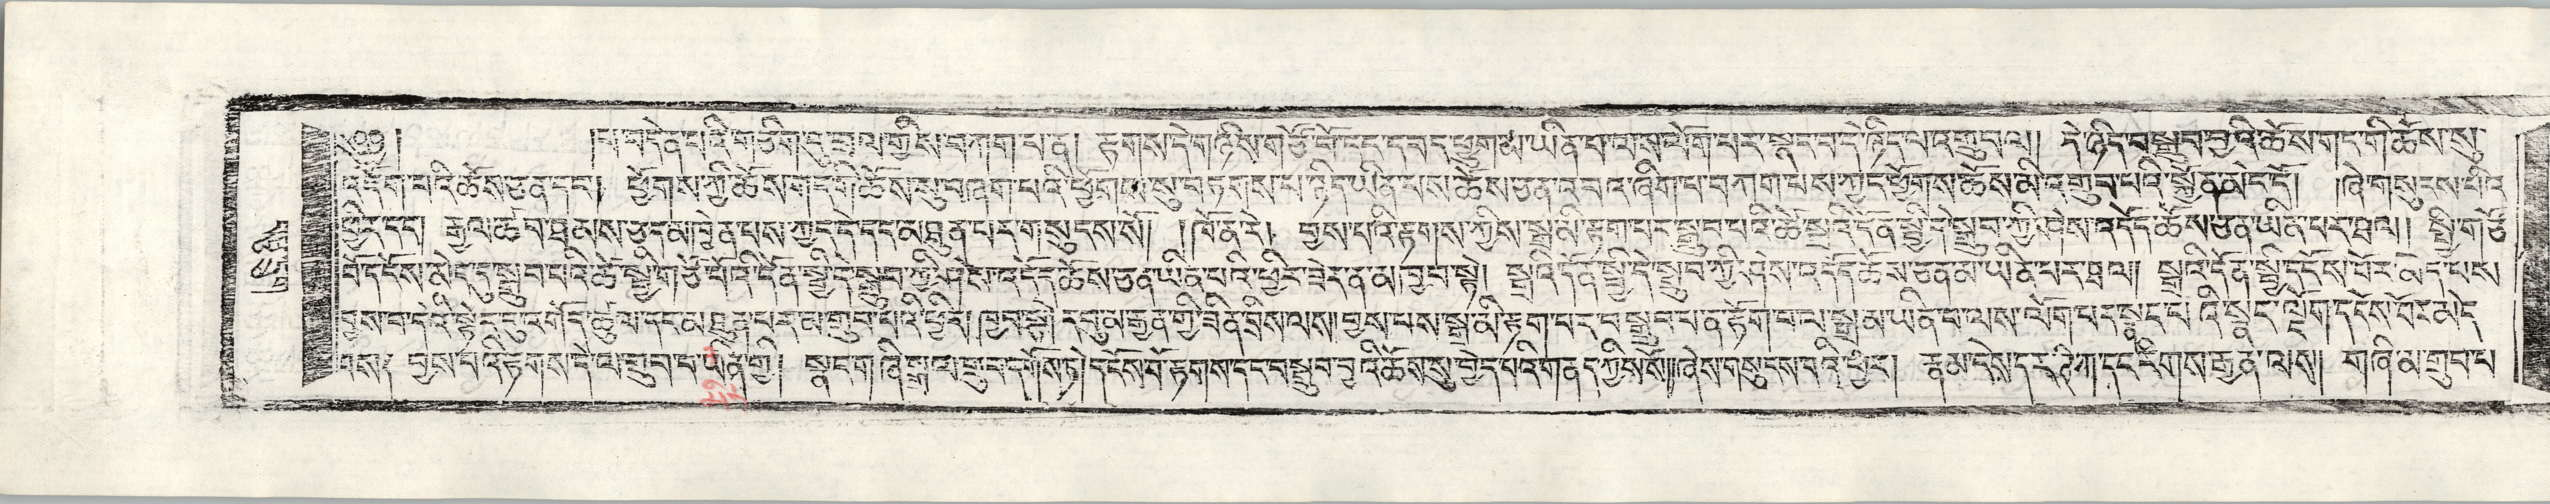༄༅། །པ་བདེན་པའི་གཅིག་དུ་བྲལ་གྱིས་བཀག་པ་ན། རྟགས་དེ་གཉིས་གཙོ་བོ་དང་དབང་ཕྱུག་མ་ཡིན་པ་ལས་ལོག་པར་སྣང་བ་དེ་ཉིད་ལ་འགྲུབ་ལ། དེ་ཉིད་བསྒྲུབ་བྱའི་ཆོས་གང་གི་ཆོས་སུ་
འཇོག་པའི་ཆོས་ཅན་དང་། ཕྱོགས་ཀྱི་ཆོས་གང་གི་ཆོས་སུ་བཞག་པའི་ཕྱོགས་སུ་བཏགས་པ་ཉིད་ཡིན་པས་ཆོས་ཅན་འབའ་ཞིག་པ་བཀག་པས་ཀྱང་ཕྱོགས་ཆོས་མི་འགྲུབ་པའི་སྐྱོན་མེད་དོ། །ཞེ་གསུངས་པའི་
ཕྱིར་དང་། རྒྱལ་ཚབ་ཐམས་ཅད་མཁྱེན་པས་ཀྱང་དེ་དང་མཐུན་པར་གསུངས་སོ། །ཁོ་ན་རེ། བྱས་པའི་རྟགས་ཀྱིས་སྒྲ་མི་རྟག་པར་སྒྲུབ་པའི་ཚེ་སྒྲའི་དོན་སྤྱི་དེ་སྒྲུབ་ཀྱི་ཤེས་འདོད་ཆོས་ཅན་ཡིན་པར་ཐལ། སྤྱི་གཙོ་
བོ་དངོས་མེད་དུ་སྒྲུབ་པའི་ཚེ་སྤྱི་གཙོ་བོའི་དོན་སྤྱི་དེ་སྒྲུབ་ཀྱི་ཤེས་འདོད་ཆོས་ཅན་ཡིན་པའི་ཕྱིར་ཟེར་ན་མ་ཁྱབ་སྟེ། སྒྲའི་དོན་སྤྱི་དེ་སྒྲུབ་ཀྱི་ཤེས་འདོད་ཆོས་ཅན་མ་ཡིན་པར་ཐལ། སྒྲའི་དོན་སྤྱི་དངོས་པོར་མེད་པས་
བྱས་པ་དེའི་སྟེང་དུ་འགོད་ཚུལ་དང་མཐུན་པར་མ་གྲུབ་པའི་ཕྱིར། ཁྱབ་སྟེ། དབུ་མ་རྒྱན་གྱི་ཟིན་བྲིས་ལས། བྱས་པས་སྒྲ་མི་རྟག་པར་བསྒྲུབས་པ་ན་རྟོག་པ་ལ་སྒྲ་མ་ཡིན་པ་ལས་ལོག་པར་སྣང་བའི་སྣང་ལྡོག་དངོས་པོར་མེད་
པས། །བྱས་པའི་རྟགས་དེ་ལ་གྲུབ་པ་མིན་གྱི། སྣང་གཞི་སྒྲ་ལ་གྲུབ་དགོས་ཏེ། དངོས་པོ་རྟགས་དང་བསྒྲུབ་བྱའི་ཆོས་སུ་བྱེད་པའི་གནད་ཀྱིས་སོ། །ཞེས་གསུངས་པའི་ཕྱིར། རྣམ་ངེས་དར་ཊིཀ་དང་རིགས་རྒྱན་ལས། གཞི་མ་གྲུབ་པ་